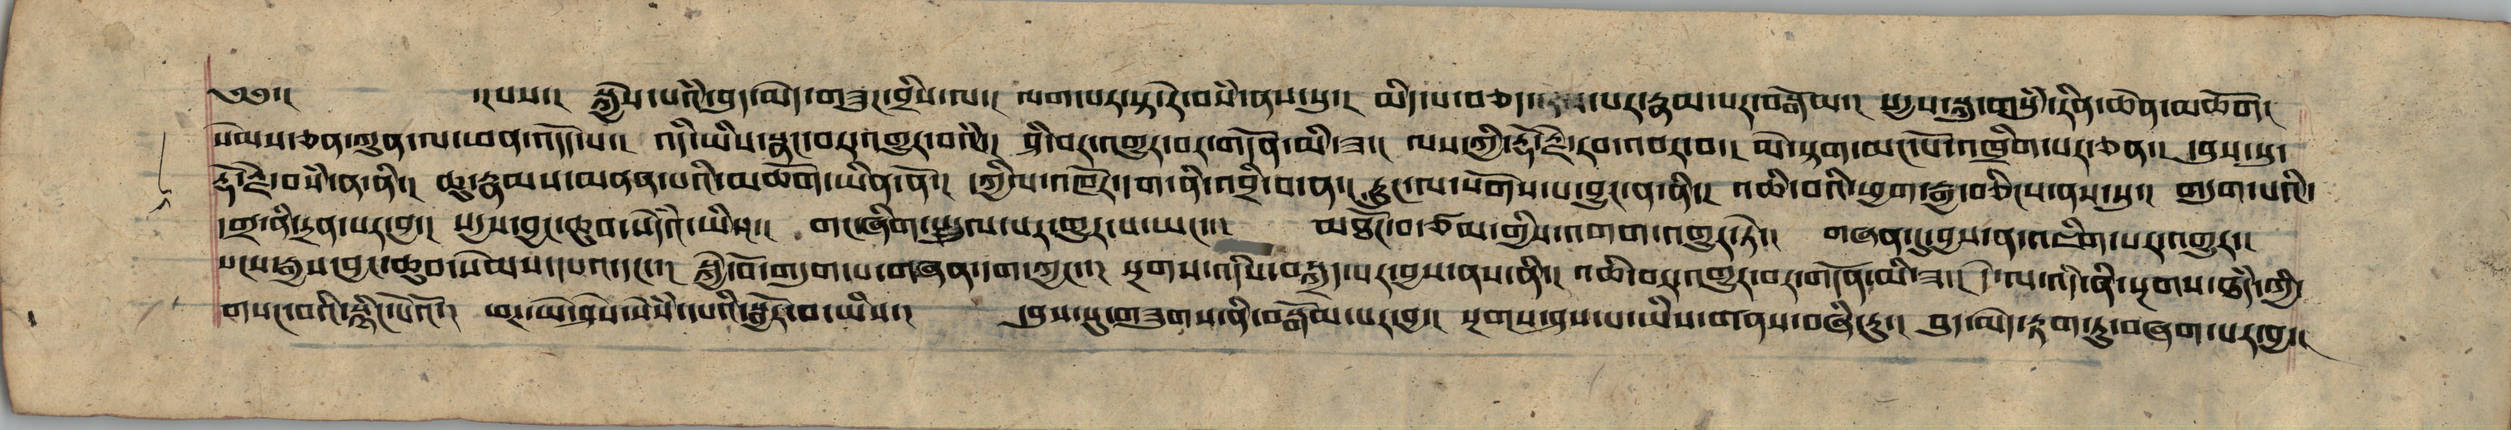༄༅་། ་།པས་། སྐྱེས་པའི་བུད་མེད་གཟུཌ་བྲིས་ལ་། ལག་པར་སྟ་རེ་བསཾ་ནས་སུ་། མིད་པ་བཅད་ པར་རྣམ་པར་བསྒོམ་། སདྱས་སྐུ་གསུཾ་རིན་ཆེན་མཆོག།
སེམས་ཅན་ཀུན་ལ་ཕན་འདོད་པ་། འདི་ཡིས་སྣང་བར་འགྱུར་བའི་། ཤི་བར་འགྱུར་བར་གདོན་མི་ཟ་། ལས་ཀྱི་རྡོ་རྗེ་རབ་འབར་བ་། མེ་སྟག་མང་པོ་འཁྲིག་པར་ཅན་། དབུས་སུ་
རྡོ་རྗེ་བསཾ་ན་ནི་། ཆུ་རྣམས་མནན་པའི་མཆོག་ཡིན་ནོ་། དཀྱིལ་འཁོར་དག་ནི་འབྲི་བ་ན་། རླུང་ལ་སོགས་པ་བྱུང་ན་ནི་། འཆི་བའི་ཕྱག་རྒྱ་བཅིངས་ནས་སུ་། གདུག་པའི་
དགྲ་ནི་དྲན་པར་བྱ་། སདྱས་བྱང་ཆུབ་སེདའཾ་ཡིན་། གང་ཞིག་སྤྲུལ་པར་གྱུར་པ་ཡང་་། མཐོང་བ་ཙམ་གྱིས་འགག་འགྱུར་ཏེ་། གཞན་དུ་བྱས་ན་འཇིག་པར་འགྱུར་།
སངས་རྒྱས་བྱང་ཆུབ་སེམས་དཔའ་དང་་། སྐྱེ་བོ་གདུག་པ་གཞན་དག་ཀྱང་་། སྔགས་འདིས་བསྐྲད་པར་བྱས་ནས་ནི་། འཆི་བར་འགྱུར་བར་གདོན་མི་ཟ་། དེ་ལ་འདི་ནི་སྔགས་ཐཾད་ཀྱི་
གསང་བའི་སྙིང་པོའོ་། ཕཊ་ཡེ་ཤེས་སེཾས་དཔའི་སྦྱོར་བ་ཡིས་། དབུས་སུ་གཟུགས་ནི་བསྒོམ་པར་བྱ་། སྔགས་ཤས་པ་ཡིས་གནས་བཞི་རུ་། བུད་མེད་རྟག་ཏུ་བཞག་པར་བྱ་།